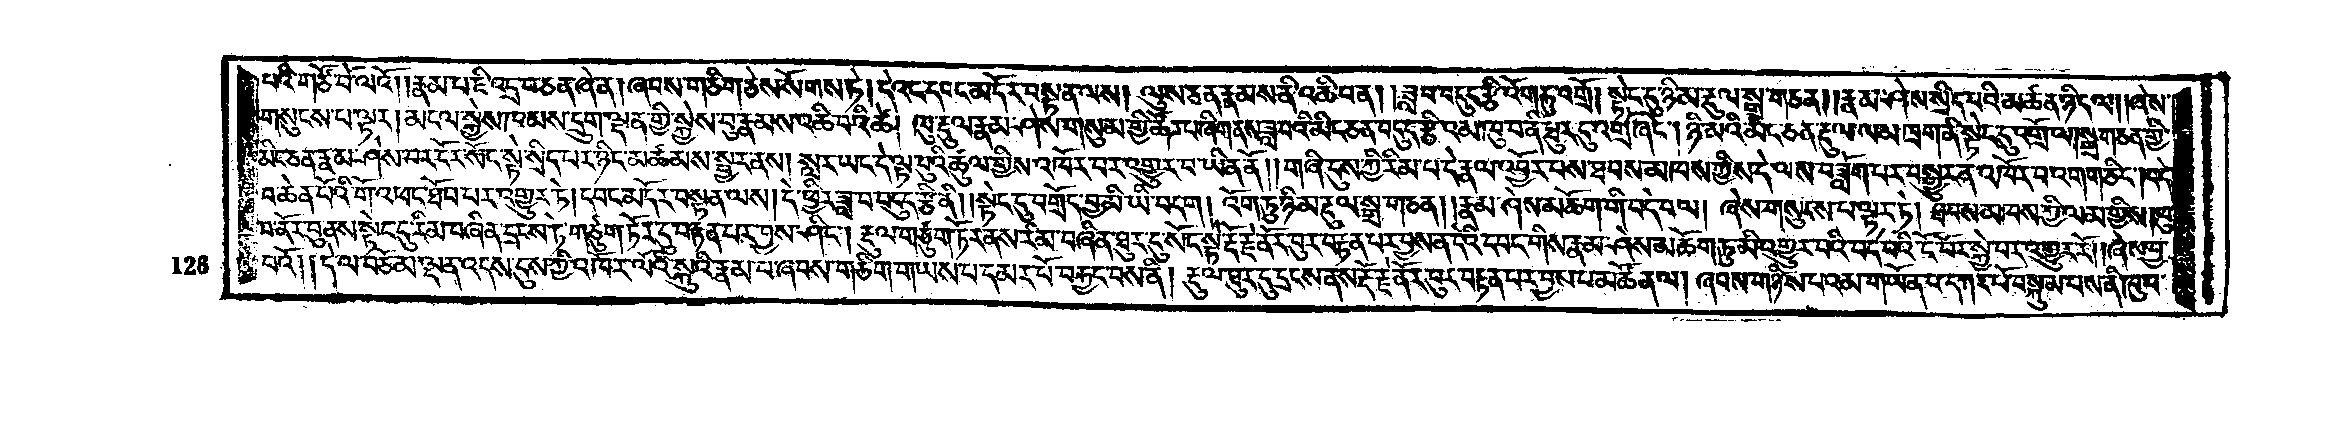པའི་གཙོ་བོ་ལའོ། །རྣམ་པ་ཇི་འདྲ་བ་ཅན་ཞེ་ན། ཞབས་གཅིག་ཅེས་སོགས་ཏེ། དེའང་དབང་མདོར་བསྟན་ལས། ལུས་ཅན་རྣམས་ནི་འཆི་བ་ན། །ཟླ་བ་བདུད་རྩི་འོག་ཏུ་འགྲོ་།སྟེང་དུ་ཉི་མ་རྡུལ་སྒྲ་གཅན། །རྣམ་ཤེས་སྲིད་པའི་མཚན་ཉིད་ལ། །ཞེས་
གསུངས་པ་ལྟར། མངལ་སྐྱེས་ཁམས་དྲུག་ལྡན་གྱི་སྐྱེས་བུ་རྣམས་འཆི་བའི་ཚེ། ཁུ་རྡུལ་རྣམ་ཤེས་གསུམ་གྱི་ཚོགས་པ་ཞིག་ནས་ཟླ་བའི་མིང་ཅན་བདུད་རྩི་འམ་ཁུ་བ་ནི་ཐུར་དུ་འགྲོ་ཞིང་། ཉི་མའི་མིང་ཅན་རྡུལ་ལམ་ཁྲག་ནི་སྟེང་དུ་འགྲོ་ལ། སྒྲ་གཅན་གྱི་
མིང་ཅན་རྣམ་ཤེས་པར་ངོར་སོང་སྟེ་སྲིད་པར་ཉིད་མཚམས་སྦྱར་ནས། སླར་ཡང་དེ་ལྟ་བུའི་ཚུལ་གྱིས་འཁོར་བར་འགྱུར་བ་ཡིན་ནོ། །གཞི་དུས་ཀྱི་རིམ་པ་དེ་རྣལ་འབྱོར་པས་ཐབས་མཁས་ཀྱིས་དེ་ལས་བཟློག་པར་བསྒྱུར་ན་འཁོར་བ་འགག་ཅིང་། བདེ་
བ་ཆེན་པོའི་གོ་འཕང་ཐོབ་པར་འགྱུར་ཏེ། དབང་མདོར་བསྟན་ལས། དེ་ཕྱིར་ཟླ་བ་བདུད་རྩི་ནི། །སྟེང་དུ་བགྲོད་བྱ་མི་ཡི་བདག །འོག་ཏུ་ཉི་མ་རྡུལ་སྒྲ་གཅན། །རྣམ་ཤེས་མཆོག་གི་བདེ་བ་ལ། ཞེས་གསུངས་པ་ལྟར་ཏེ། ཐབས་མཁས་ཀྱི་ལམ་གྱིས། ཁུ་
བ་ནོར་བུ་ནས་སྟེང་དུ་རིམ་བཞིན་དྲངས་ཏེ་གཙུག་ཏོར་དུ་བརྟན་པར་བྱས་ཤིང་། རྡུལ་གཙུག་ཏོར་ནས་རིམ་བཞིན་ཐུར་དུ་སོང་སྟེ་རྡོ་རྗེ་ནོར་བུར་བརྟན་པར་བྱས་ན་དེའི་དབང་གིས་རྣམ་ཤེས་མཆོག་ཏུ་མི་འགྱུར་བའི་བདེ་བའི་ངོ་བོར་སྐྱེ་བར་འགྱུར་རོ། །ཞེས་བྱ་
བའོ། །དེ་ལ་བཅོམ་ལྡན་འདས་དུས་ཀྱི་འཁོར་ལོའི་སྐུའི་རྣམ་པ་ཞབས་གཅིག་གཡས་པ་དམར་པོ་བརྐྱང་བས་ནི། རྡུལ་ཐུར་དུ་དྲངས་ནས་རྡོ་རྗེ་ནོར་བུར་བརྟན་པར་བྱས་པ་མཚོན་ལ། ཞབས་གཉིས་པའམ་གཡོན་པ་དཀར་པོ་བསྐུམ་པས་ནི་ཁུ་བ་